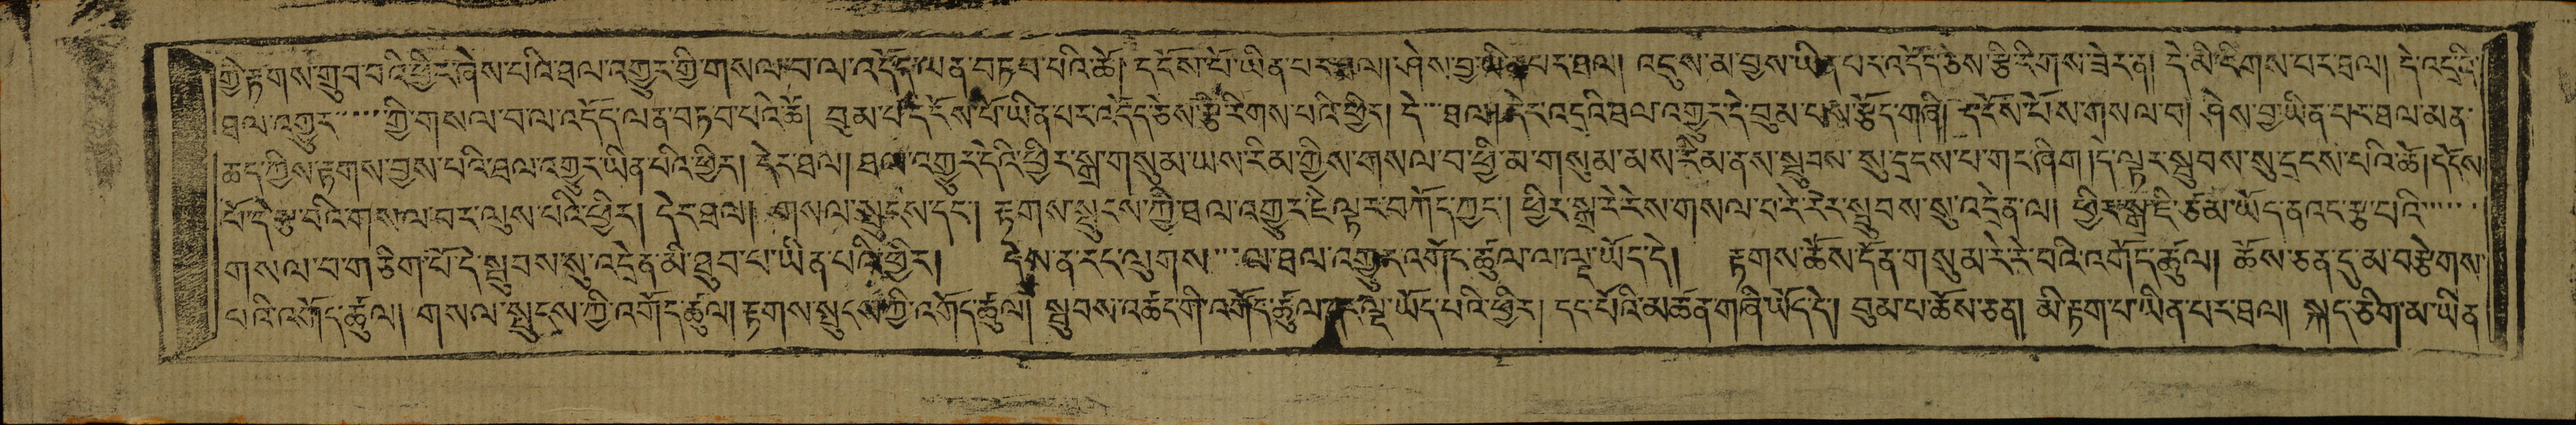གྱི་རྟགས་གྲུབ་པའི་ཕྱིར་ཞེས་པའི་ཐལ་འགྱུར་གྱི་གསལ་བ་ལ་འདོད་ལན་བཏབ་པའི་ཚེ། དངོས་པོ་ཡིན་པར་ཐལ། ཤེས་བྱ་ཡིན་པར་ཐལ། འདུས་མ་བྱས་ཡིན་པར་འདོད་ཅེས་རྩི་རིགས་ཟེར་ན། དེ་མི་རིགས་པར་ཐལ། དེ་འདྲའི་
ཐལ་འགྱུར་གྱི་གསལ་བ་ལ་འདོད་ལན་བཏབ་པའི་ཚེ། བུམ་པ་དངོས་པོ་ཡིན་པར་འདོད་ཅེས་རྩི་རིགས་པའི་ཕྱིར། དེ་ཐལ། དེར་འདྲའི་ཐལ་།གྱུར་དེ་བུམ་པས་རྩོད་གཞི། དངོས་པོས་གསལ་བ། ཤེས་བྱ་ཡིན་པར་ཐལ་མན་
ཆད་ཀྱིས་རྟགས་བྱས་པའི་ཐལ་འགྱུར་ཡིན་པའི་ཕྱིར། དེར་ཐལ། ཐལ་འགྱུར་དེའི་ཕྱིར་སྒྲ་གསུམ་ཡས་རིམ་གྱིས་གསལ་བ་ཕྱི་མ་གསུམ་མས་རིམ་ནས་སྦུབས་སུ་དྲངས་པ་གང་ཞིག །དེ་ལྟར་སྦུབས་སུ་དྲངས་པའི་ཚེ། དངོས་
པོ་དེ་རྩ་བའི་གསལ་བར་ལུས་པའི་ཕྱིར། དེར་ཐལ། གསལ་སྤུངས་དང་། རྟགས་སྤུངས་ཀྱི་ཐལ་འགྱུར་ཇི་ལྟར་བཀོད་ཀྱང་། ཕྱིར་སྒྲ་རེ་རེས་གསལ་བ་རེ་རེར་སྦུབས་སུ་འདྲེན་ལ། ཕྱིར་སྒྲ་ཇི་ཙམ་ཡོད་ནའང་རྩ་བའི་
གསལ་བ་གཅིག་པོ་དེ་སྦུབས་སུ་འདྲེན་མི་ཐུབ་པ་ཡིན་པའི་ཕྱིར། དེས་ན་རང་ལུགས་ལ་ཐལ་འགྱུར་འགོང་ཚུལ་ལ་ལྔ་ཡོད་དེ། རྟགས་ཆོས་དོན་གསུམ་རེ་རེ་བའི་འགོད་ཚུལ། ཆོས་ཅན་དུ་མ་བརྩེགས་
པའི་འགོད་ཚུལ། གསལ་སྦུངས་ཀྱི་འགོད་ཚུལ། རྟགས་སྤུངས་ཀྱི་འགོད་ཚུལ། སྦུབས་འཚང་གི་འགོད་ཚུལ་དང་ལྔ་ཡོད་པའི་ཕྱིར། དང་པོའི་མཚན་གཞི་ཡོད་དེ། བུམ་པ་ཆོས་ཅན། མི་རྟག་པ་ཡིན་པར་ཐལ། སྐད་ཅིག་མ་ཡིན་